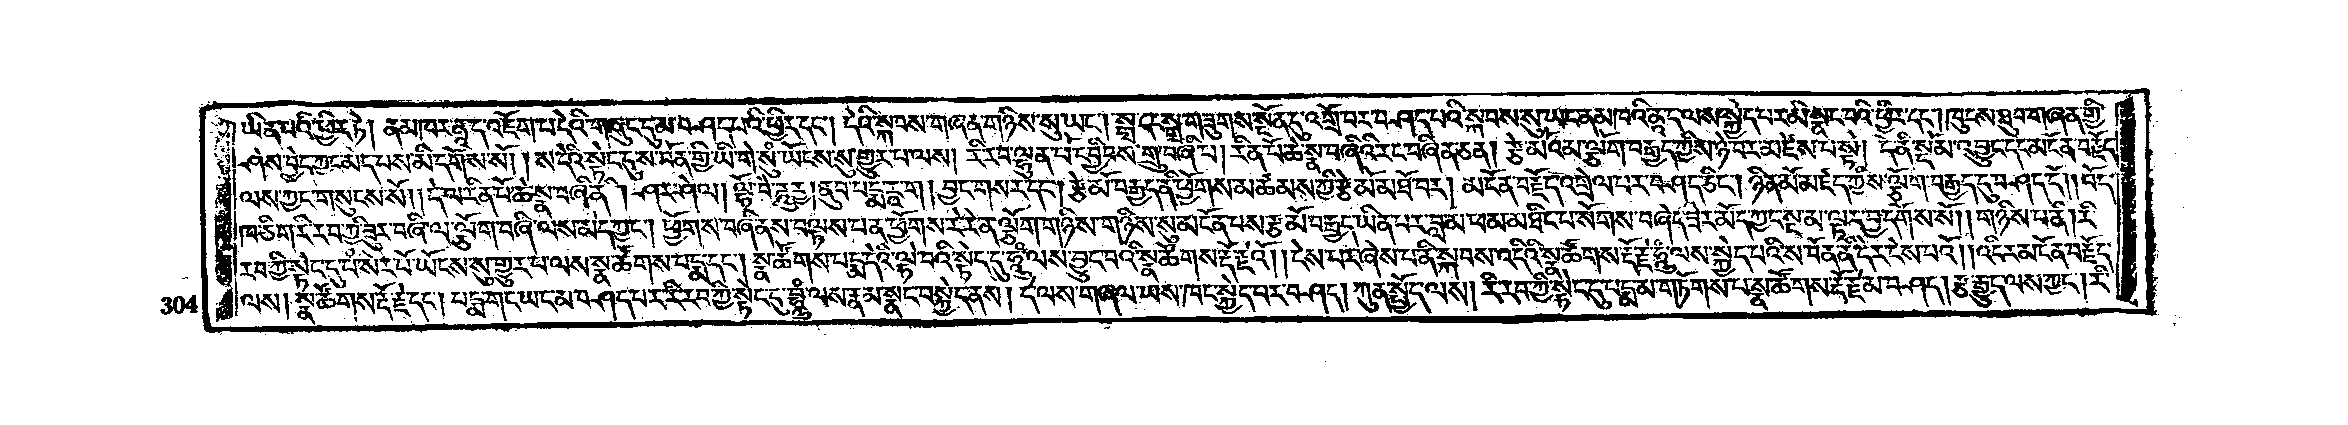ཡིན་པའི་ཕྱིར་ཏེ། ནམ་མཁར་ནཱ་ད་འཇོག་པ་དེའི་གཞུང་དུ་མ་བཤད་པའི་ཕྱིར་དང་། དེའི་སྐབས་གཞན་གཉིས་སུ་ཡང་། སྒྲ་དང་སྒྲ་གཟུགས་སྔོན་དུ་འགྲོ་བར་བཤད་པའི་སྐབས་སུ་ཡང་ནམ་མཁའི་ནཱ་ད་ལས་སྐྱེད་པར་མི་སྣང་བའི་ཕྱིར་དང་། ཁུངས་ཐུབ་གཞན་གྱི་
ཤེས་བྱེད་ཀྱང་མེད་པས་མི་དགོས་སོ། །ས་དེའི་སྟེང་དུ་ས་བོན་གྱི་ཡི་གེ་སུཾ་ཡོངས་སུ་གྱུར་པ་ལས། རི་རབ་ལྷུན་པོ་དབྱིབས་གྲུ་བཞི་པ། རིན་པོ་ཆེ་སྣ་བཞིའི་རང་བཞིན་ཅན། རྩེ་མོའམ་ལྕོག་བརྒྱད་ཀྱིས་ཉེ་བར་མཛེས་པ་སྟེ། དེ་ནི་སྡོམ་འབྱུང་དང་མངོན་བརྗོད་
ལས་ཀྱང་གསུངས་སོ། །དེ་ལ་རིན་པོ་ཆེ་སྣ་བཞི་ནི། ཤར་ཤེལ། ལྷོ་བཻ་ཌཱུརྱ། ནུབ་པདམ་རཱ་ག །བྱང་གསར་དང་། རྩེ་མོ་བརྒྱད་ནི་ཕྱོགས་མཚམས་ཀྱི་རྩེ་མོ་མཐོ་བར། མངོན་བརྗོད་འགྲེལ་བར་བཤད་ཅིང་། ཉིན་མོ་མཛད་ཀྱིས་ལྕོག་བརྒྱད་དུ་བཤད་དོ། །བོད་
ཁ་ཅིག་རི་རབ་ཀྱི་ཟུར་བཞི་ལ་ལྕོག་བཞི་ལས་མེད་ཀྱང་། ཕྱོགས་བཞི་ནས་བལྟས་པ་ན་ཕྱོགས་རེ་རེ་ན་ལྕོག་གཉིས་གཉིས་སུ་མངོན་པས་རྩེ་མོ་བརྒྱད་ཡིན་པར་བླ་མ་ཕམ་མཐིང་པ་སོགས་བཞེད་ཟེར་མོད་ཀྱང་སྔ་མ་ལྟར་བྱ་དགོས་སོ། །གཉིས་པ་ནི། རི་
རབ་ཀྱི་སྟེང་དུ་པཾ་སེར་པོ་ཡོངས་སུ་གྱུར་པ་ལས་སྣ་ཚོགས་པདམ་དང་། སྣ་ཚོགས་པདམ་དེའི་ལྟེ་བའི་སྟེང་དུ་ཧཱུཾ་ལས་བྱུང་བའི་སྣ་ཚོགས་རྡོ་རྗེའོ། །ངེས་པར་ཞེས་པ་ནི་སྐབས་འདིའི་སྣ་ཚོགས་རྡོ་རྗེ་ཧཱུཾ་ལས་སྐྱེད་པའི་ས་བོན་ནི་དེར་ངེས་པའོ། །འདིར་མངོན་བརྗོད་
ལས། སྣ་ཚོགས་རྡོ་རྗེ་དང་། པདམ་གང་ཡང་མ་བཤད་པར་རི་རབ་ཀྱི་སྟེང་དུ་བྷཱུཾ་ལས་རྣམ་སྣང་བསྐྱེད་ནས། དེ་ལས་གཞལ་ཡས་ཁང་སྐྱེད་པར་བཤད། ཀུན་སྤྱོད་ལས། རི་རབ་ཀྱི་སྟེང་དུ་པདམ་མ་གཏོགས་པ་སྣ་ཚོགས་རྡོ་རྗེ་མ་བཤད། རྩ་རྒྱུད་ལས་ཀྱང་། རི་